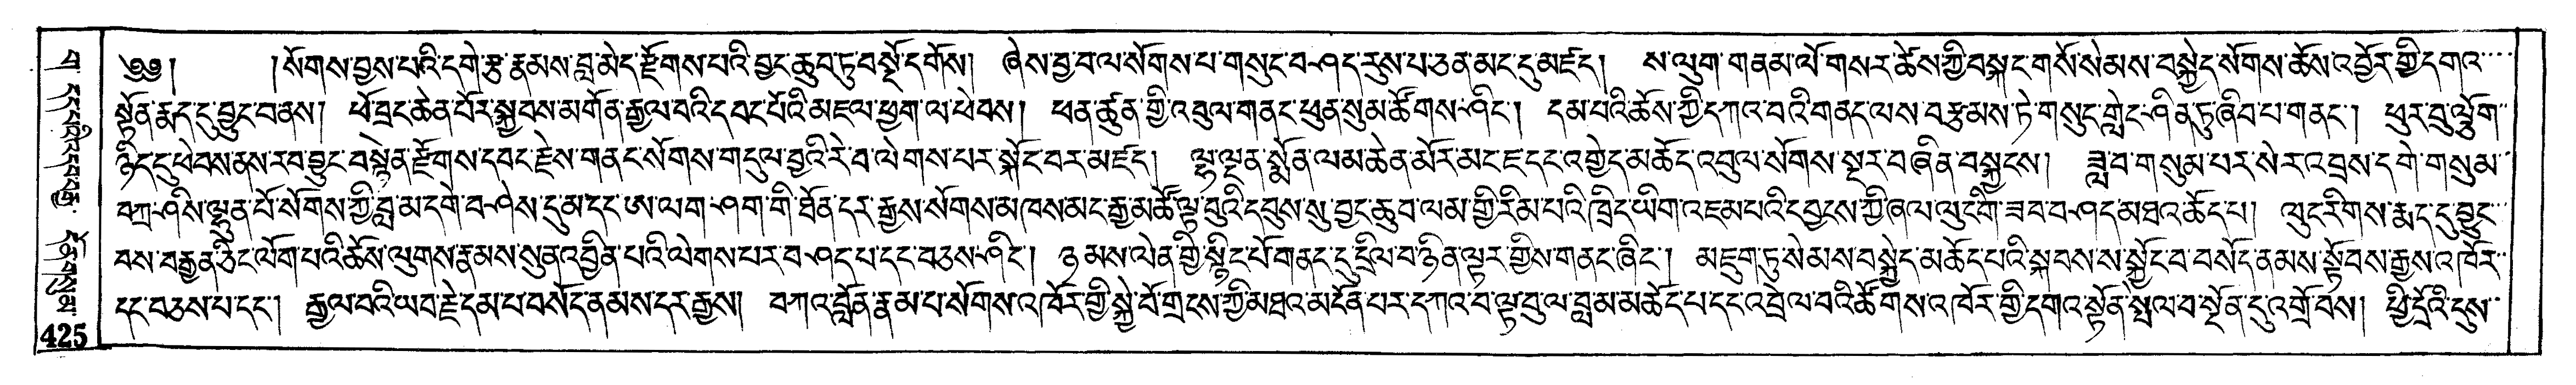༄༅། །སོགས་བྱས་པའི་དགེ་རྩ་རྣམས་བླ་མེད་རྫོགས་པའི་བྱང་ཆུབ་ཏུ་བསྔོ་དགོས། ཞེས་བྱ་བ་ལ་སོགས་པ་གསུང་བཤད་རུས་པ་ཅན་མང་དུ་མཛད། ས་ལུག་གནམ་ལོ་གསར་ཚེས་ཀྱི་བསྐང་གསོ་སེམས་བསྐྱེད་སོགས་ཆོས་འབྱོར་གྱི་དགའ་
སྟོན་རྨད་དུ་བྱུང་བ་ནས། ཕོ་བྲང་ཆེན་པོར་སྐྱབས་མགོན་རྒྱལ་བའི་དབང་པོའི་མཇལ་ཕྱག་ལ་ཕེབས། ཕན་ཚུན་གྱི་འབུལ་གནང་ཕུན་སུམ་ཚོགས་ཤིང་། དམ་པའི་ཆོས་ཀྱི་དཀའ་བའི་གནད་ལས་བརྩམས་ཏེ་གསུང་གླེང་ཤིན་ཏུ་ཞིབ་པ་གནང་། ཕུར་བུ་ལྕོག་
ཉིད་དུ་ཕེབས་ནས་རབ་བྱུང་བསྙེན་རྫོགས་དབང་རྗེས་གནང་སོགས་གདུལ་བྱའི་རེ་བ་ལེགས་པར་སྐོང་བར་མཛད། ལྷ་ལྡན་སྨོན་ལམ་ཆེན་མོར་མད་ཇ་དང་འགྱེད་མཆོད་འབུལ་སོགས་སྔར་བཞིན་བསྐྱངས། ཟླ་བ་གསུམ་བར་སེར་འབྲས་དགེ་གསུམ་
བཀྲ་ཤིས་ལྷུན་པོ་སོགས་ཀྱི་བླ་མ་དགེ་བཤེས་དུམ་དང་ཨ་ལག་ཤག་གི་ཐོན་དར་རྒྱས་སོགས་མཁས་མང་རྒྱ་མཚོ་ལྟ་བུའི་དབུས་སུ་བྱང་ཆུབ་ལམ་གྱི་རིམ་པའི་ཁྲིད་ཡིག་འཇམ་པའི་དབྱངས་ཀྱི་ཞལ་ལུང་གཟབ་བཤད་མཐའ་ཆོད་པ། ལུང་རིགས་རྨད་དུ་བྱུང་
བས་བརྒྱན་ཅིད་ལོག་པའི་ཆོས་ལུགས་རྣམས་སུན་འབྱིན་པའི་ལེགས་པར་བཤད་པ་དང་བཅས་ཤིང་། ཉམས་ལེན་གྱི་སྙིང་པོ་གནང་དུ་དྲིལ་བ་ཉིན་ལྟར་གྱིས་གནང་ཞིང་། མཇུག་ཏུ་སེམས་བསྐྱེད་མཆོད་པའི་སྐབས་ས་སྐྱོང་བ་བསོད་ནམས་སྟོབས་རྒྱས་འཁོར་
དང་བཅས་པ་དང་། རྒྱལ་བའི་ཡབ་རྗེ་དམ་པ་བསོད་ནམས་དར་རྒྱས། བཀའ་བློན་རྣམ་པ་སོགས་འཁོར་གྱི་སྐྱེ་བོ་གྲངས་ཀྱི་མཐའ་མངོན་པར་དཀའ་བལྟ་བུ་ལ་བླ་མ་མཆོད་པ་དང་འབྲེལ་བའི་ཚོགས་འཁོར་གྱི་དགའ་སྟོན་སྤེལ་བ་སྔོན་དུ་འགྲོ་བས། ཕྱི་དྲོའི་དུས་